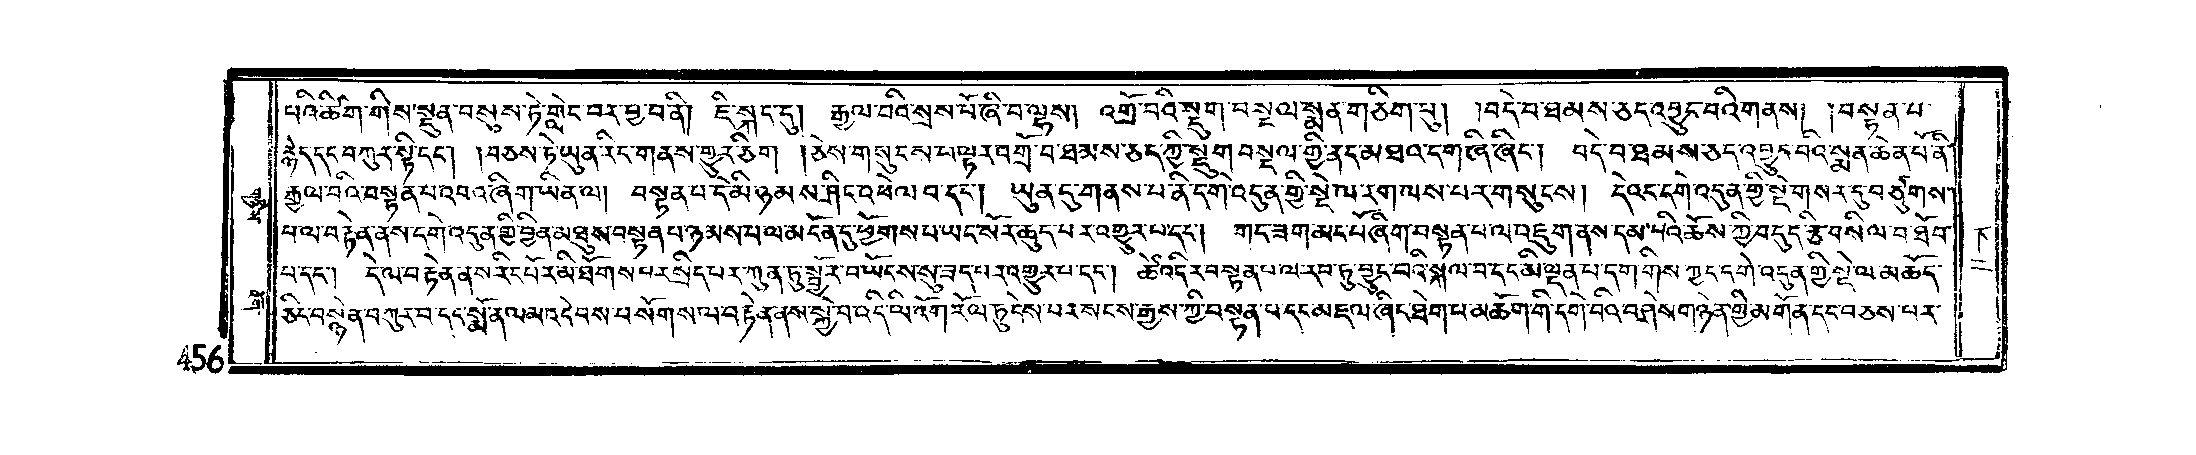པའི་ཚིག་གིས་སྡུན་བསུས་ཏེ་གླེང་བར་བྱ་བ་ནི། ཇི་སྐད་དུ། རྒྱལ་བའི་སྲས་པོ་ཞི་བ་ལྷས། འགྲོ་བའི་སྡུག་བསྔལ་སྨན་གཅིག་པུ། །བདེ་བ་ཐམས་ཅད་འབྱུང་བའི་གནས། །བསྟན་པ་
རྙེད་དང་བཀུར་སྟི་དང་། །བཅས་ཏེ་ཡུན་རིང་གནས་གྱུར་ཅིག །ཅེས་གསུངས་པ་ལྟར་འགྲོ་བ་ཐམས་ཅད་ཀྱི་སྡུག་བསྔལ་གྱི་ནད་མཐའ་དག་ཞི་ཞིང་། བདེ་བ་ཐམས་ཅད་འབྱུང་བའི་སྨན་ཆེན་པོ་ནི་
རྒྱལ་བའི་བསྟན་པ་འབའ་ཞིག་ཡིན་ལ། བསྟན་པ་དེ་མི་ཉམས་ཤིང་འཕེལ་བ་དང་། ཡུན་དུ་གནས་པ་ནི་དགེ་འདུན་གྱི་སྡེ་ལ་རག་ལས་པར་གསུངས། དེའང་དགེ་འདུན་གྱི་སྡེ་གསར་དུ་བཙུགས་
པ་ལ་བརྟེན་ནས་དགེ་འདུན་གྱི་བྱིན་མཐུས་བསྟན་པ་ཉམས་པ་ལ་མངོན་དུ་ཕྱོགས་པ་ཡང་སོར་ཆུད་པར་འགྱུར་པ་དང་། གང་ཟག་མང་པོ་ཞིག་བསྟན་པ་ལ་འཇུག་ནས་དམ་པའི་ཆོས་ཀྱི་བདུད་རྩི་བསིལ་བ་ཐོབ་
པ་དང་། དེ་ལ་བརྟེན་ནས་རིང་པོར་མི་ཐོགས་པར་སྲིད་པར་ཀུན་ཏུ་སྦྱོར་བ་ཡོངས་སུ་ཟད་པར་འགྱུར་པ་དང་། ཚེ་འདིར་བསྟན་པ་ལ་རབ་ཏུ་བྱུང་བའི་སྐལ་བ་དང་མི་ལྡན་པ་དག་གིས་ཀྱང་དགེ་འདུན་གྱི་སྡེ་ལ་མཆོད་
ཅིང་བསྙེན་བཀུར་བ་དང་སྨོན་ལམ་འདེབས་པ་སོགས་ལ་བརྟེན་ནས་སྐྱེ་བ་འདི་ཡི་འོག་རོལ་ཏུ་ངེས་པར་སངས་རྒྱས་ཀྱི་བསྟན་པ་དང་མཇལ་ཞིང་ཐེག་པ་མཆོག་གི་དགེ་བའི་བཤེས་གཉེན་གྱི་མགོན་དང་བཅས་པར་